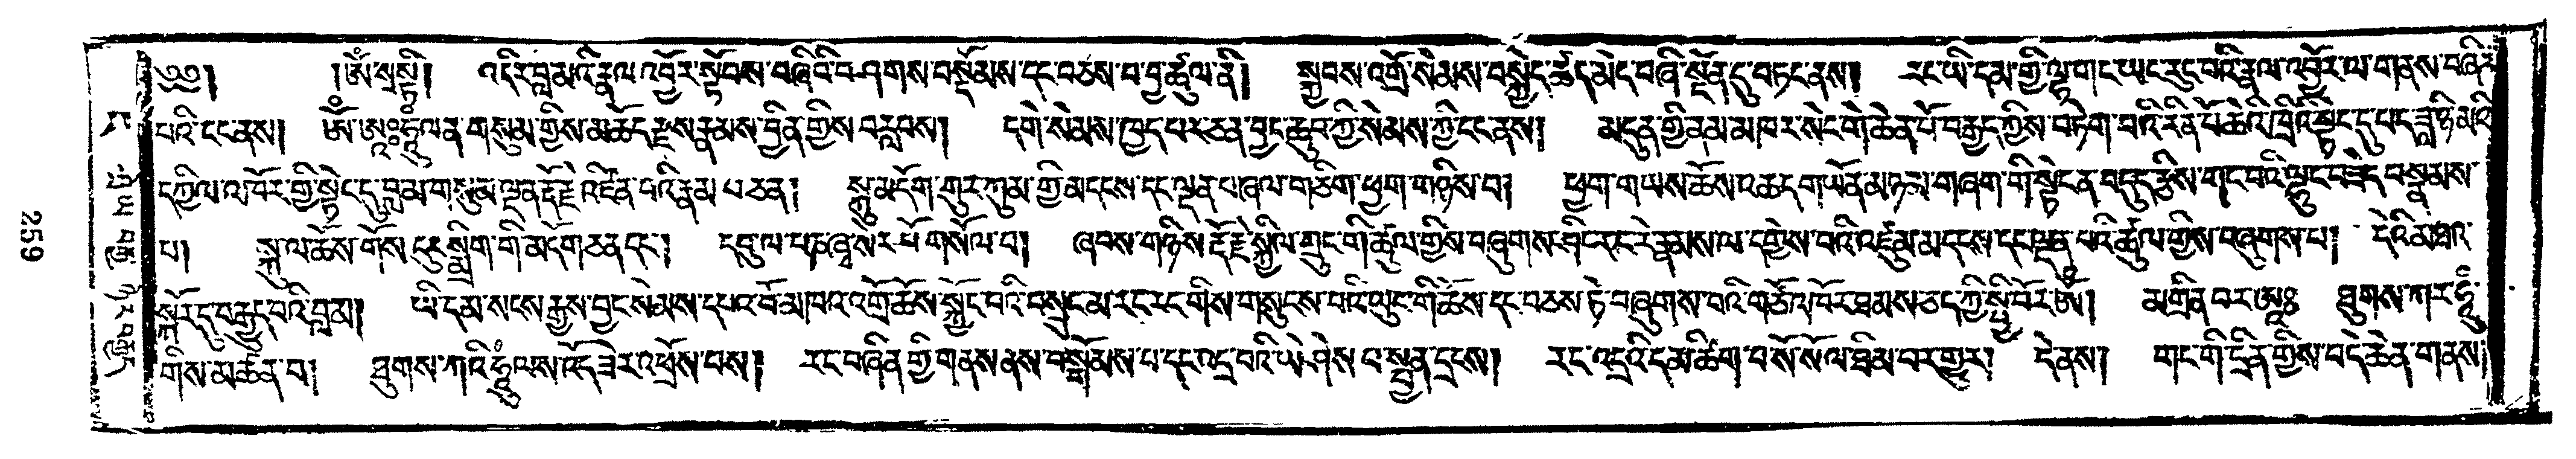༄༅། །ཨོཾ་སྭསྟི། འདིར་བླ་མའི་རྣལ་འབྱོར་སྟོབས་བཞི་བི་བཤགས་བསྡོམས་དང་བཅས་པ་བྱ་ཚུལ་ནི། སྐྱབས་འགྲོ་སེམས་བསྐྱེད་ཚད་མེད་བཞི་སྔོན་དུ་བཏང་ནས། རང་ཡི་དམ་གྱི་ལྷ་གང་ཡང་རུང་བའི་རྣལ་འབྱོར་ལ་གནས་བཞིར་
པའི་ངང་ནས། ཨོཾ་ཨཱཿཧཱུཾ་ལན་གསུམ་གྱིས་མཆོད་རྫས་རྣམས་བྱིན་གྱིས་བརླབས། དགེ་སེམས་ཁྱད་པར་ཅན་བྱང་ཆུབ་ཀྱི་སེམས་ཀྱི་ངང་ནས། མདུན་གྱི་ནམ་མཁར་སེང་གེ་ཆེན་པོ་བརྒྱད་ཀྱིས་བཏེག་པའི་རིན་པོ་ཆེའི་ཁྲིའི་སྟེང་དུ་པད་ཟླ་ཉི་མའི་
དཀྱིལ་འཁོར་གྱི་སྟེང་དུ་བླ་མ་གསུམ་ལྡན་རྡོ་རྗེ་འཛིན་བའི་རྣམ་པ་ཅན། སྐུ་མདོག་གུར་ཀུམ་གྱི་མདངས་དང་ལྡན་པ་ཞལ་གཅིག་ཕྱག་གཉིས་བ། ཕྱག་གཡས་ཆོས་འཆད་གཡོན་མཉམ་གཞག་གི་སྟེང་ན་བདུད་རྩིས་གང་བའི་ལྷུང་བཟེད་བསྣམས་
པ། སྐུ་ལ་ཆོས་གོས་དུར་སྨྲིག་གི་མདོག་ཅན་དང་། དབུ་ལ་པཎ་ཞྭ་སེར་པོ་གསོལ་བ། ཞབས་གཉིས་རྡོ་རྗེ་སྐྱིལ་གྲུང་གི་ཚུལ་གྱིས་བཞུགས་ཤིང་རང་རེ་རྣམས་ལ་དགྱེས་བའི་འཛུམ་མདངས་དང་ལྡན་པའི་ཚུལ་གྱིས་བཞུགས་པ། དེའི་མཐའ་
སྐོར་དུ་བརྒྱུད་བའི་བླ་མ། ཡི་དམ་སངས་རྒྱས་བྱང་སེམས་དཔའ་བོ་མཁའ་འགྲོ་ཆོས་སྐྱོང་བའི་བསྲུང་མ་རང་རང་གིས་གསུངས་བའི་ལུང་གི་ཆོས་དང་བཅས་ཏེ་བཞུགས་བའི་གཙོ་འཁོར་ཐམས་ཅད་ཀྱི་སྤྱི་བོར་ཨོཾ། མགྲིན་བར་ཨཱཿ ཐུགས་ཀར་ཧཱུཾ་
གིས་མཚན་པ། ཐུགས་ཀའི་ཧཱུཾ་ལས་འོད་ཟེར་འཕྲོས་པས། རང་བཞིན་གྱི་གནས་ནས་བསྒོམས་པ་དང་འདྲ་བའི་ཡེ་ཤེས་བ་སྤྱན་དྲངས། རང་འདྲའི་དམ་ཚིག་བ་སོ་སོ་ལ་ཐིམ་བར་གྱུར། དེ་ནས། གང་གི་དྲིན་གྱིས་བདེ་ཆེན་གནས།